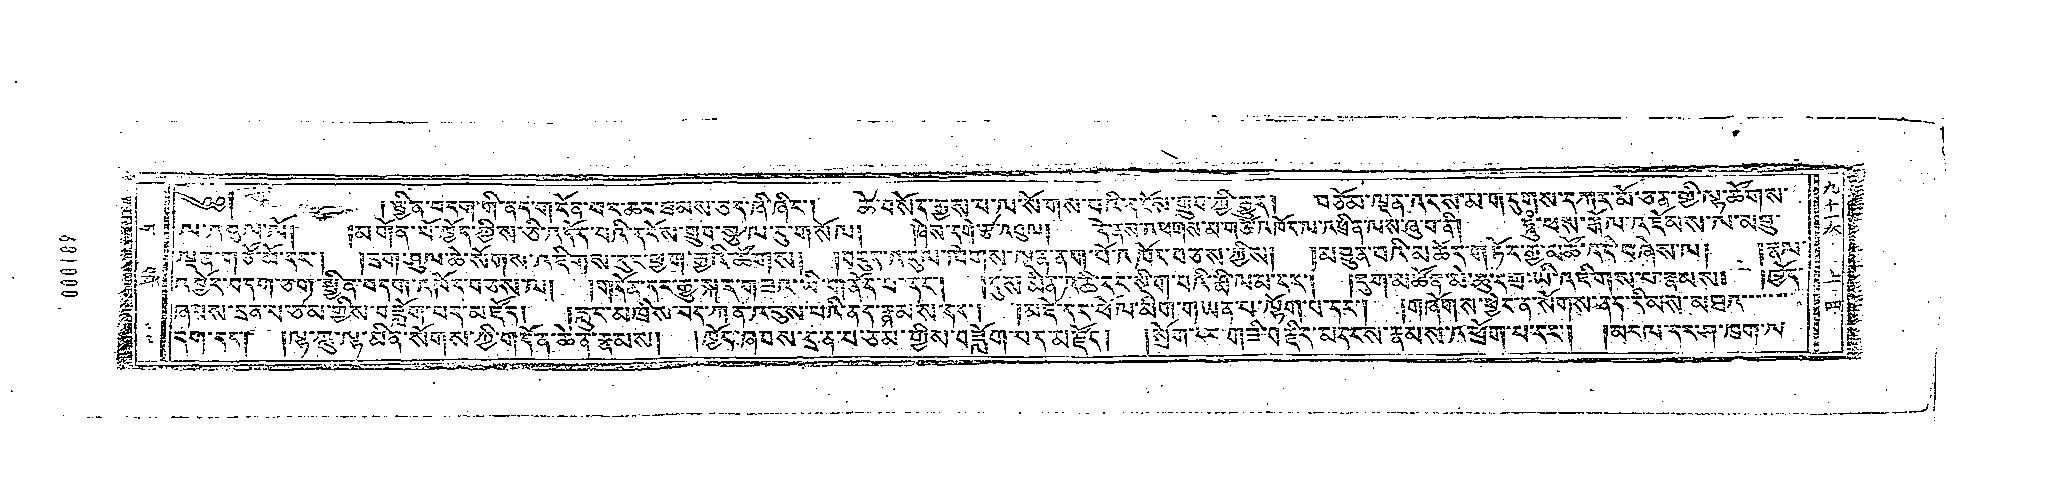༄༅། །སྦྱིན་བདག་གི་ནང་གདོན་བར་ཆད་ཐམས་ཅད་ཞི་ཞིང་། ཚེ་བསོད་རྒྱས་པ་ལ་སོགས་པའི་དངོས་གྲུབ་ཀྱི་རྒྱུད། བཅོམ་ལྡན་འདས་མ་གདུགས་དཀར་མོ་ཅན་གྱི་ལྷ་ཚོགས་
ལ་འབུལ་ལོ། །མགོན་པོ་ཁྱོད་ཀྱིས་ཅི་འདོད་པའི་དངོས་གྲུབ་སྩལ་དུ་གསོལ། །ཞེས་དགེ་རྩ་འབུལ། །དེ་ནས་འཕགས་མ་གཙོ་འཁོར་ལ་འཕྲིན་ལས་ཞུ་བ་ནི། ཧཱུཾ་ཕས་རྒོལ་འཇོམས་ལ་མཐུ་
ལྡན་གཙོ་མོ་དང་། །དྲག་ཤུལ་ཆེ་སོགས་འཇིགས་རུང་ཕྱག་རྒྱའི་ཚོགས། །བདུད་འདུལ་ལེགས་ལྡན་ནག་པོ་འཁོར་བཅས་ཀྱིས། །མཐུན་པའི་མཆོད་གཏོར་རྒྱ་མཚོ་འདི་བཞེས་ལ། །རྣལ་
འབྱོར་བདག་ཅག་སྦྱིན་བདག་འཁོར་བཅས་ལ། །གདོན་དང་རྒྱུ་སྐར་གཟའ་ཡི་གནོད་པ་དང་། །དུས་མིན་འཆི་དང་སྡིག་པའི་རྨི་ལམ་དང་། །དུག་མཚོན་མེ་ཆུ་དགྲ་ཡི་འཇིགས་པ་རྣམས། །ཁྱོད་
ཞབས་དྲན་པ་ཙམ་གྱིས་བཟློག་པར་མཛོད། །རླུང་མ་ཁྲིས་པད་ཀན་འདུས་པའི་ནང་རྣམས་དང་། །མཛེ་དང་ཕོལ་མིག་གཡན་པ་ལྷོག་པ་དང་། །གཞོགས་ཕྱེང་ན་སོགས་ནད་རིམས་མཐའ་
དག་དང་། །ལྷ་ཀླུ་ལྷ་མིན་སོགས་ཀྱི་གདོན་ཆེན་རྣམས། །ཁྱོད་ཞབས་དྲན་པ་ཙམ་གྱིས་བཟློག་པར་མཛོད། །སྲོག་དང་གཟི་བརྗིད་མདངས་རྣམས་འཕྲོག་པ་དང་། །མདལ་དང་ཤ་ཁྲག་ལ་